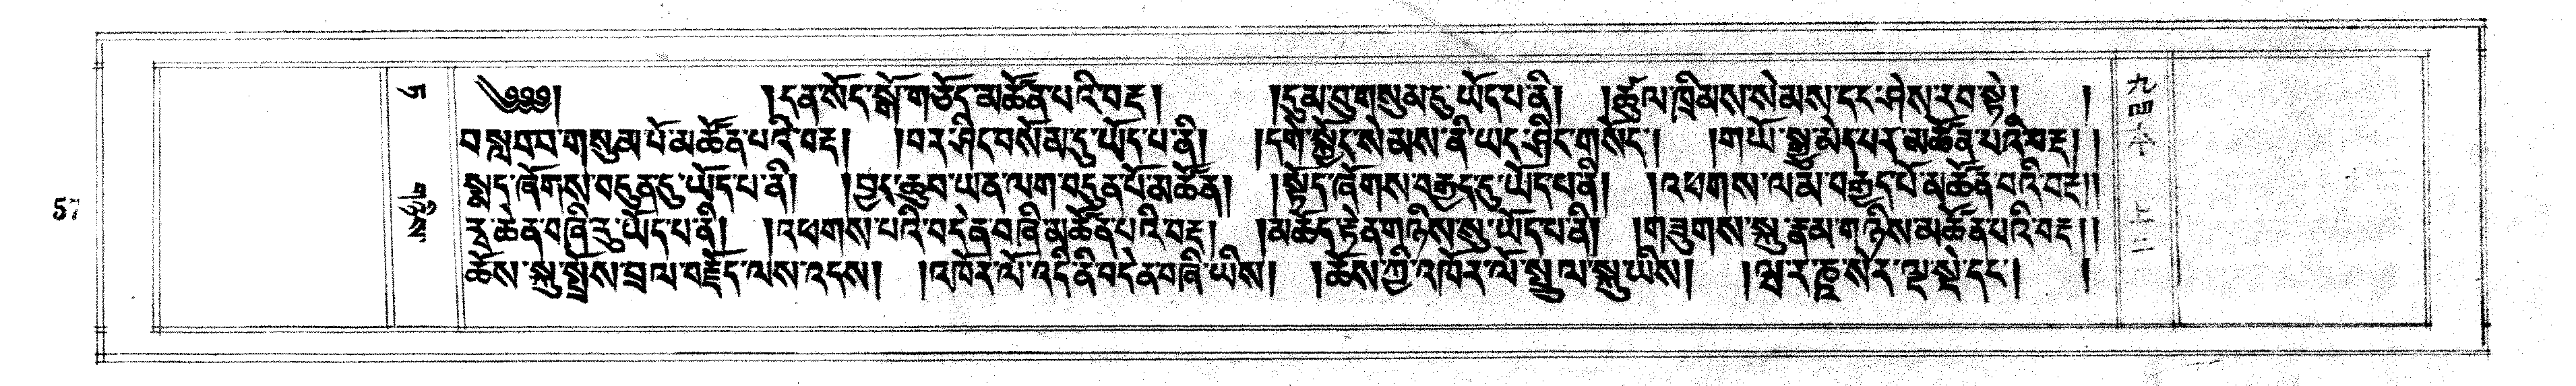༄༅༅། །ངན་སོང་སྒོ་གཅོད་མཚོན་པའི་བརྡ། །དུམ་བུ་གསུམ་དུ་ཡོད་པ་ནི། །ཚུལ་ཁྲིམས་སེམས་དང་ཤེས་རབ་སྟེ། །
བསླབ་བ་གསུམ་པོ་མཚོན་པའི་བརྡ། །བར་ཤིང་བསོམ་དུ་ཡོད་པ་ནི། །དགེ་སྐྱོང་སེམས་ནི་ཡང་ཤིང་གསོད། །གཡོ་སྒྱུ་མེད་པར་མཚོན་པའི་བརྡ། །
སྨད་ཞོགས་བདུན་དུ་ཡོད་པ་ནི། །བྱང་ཆུབ་ཡན་ལག་བདུན་པོ་མཚོན། །སྟོད་ཞོགས་བརྒྱད་དུ་ཡོད་པ་ནི། །འཕགས་ལམ་བརྒྱད་པོ་མཚོན་པའི་བརྡ།།
རྭ་ཆེན་བཞི་རུ་ཡོད་པ་ནི། །འཕགས་པའི་བདེན་བཞི་མཚོན་པའི་བརྡ། །མཆོད་རྟེན་གཉིས་སུ་ཡོད་པ་ནི། །གཟུགས་སྐུ་རྣམ་གཉིས་མཚོན་པའི་བརྡ།།
ཆོས་སྐུ་སྤྲོས་བྲལ་བརྗོད་ལས་འདས། །འཁོར་ལོ་འདི་ནི་བདེན་བཞི་ཡིས། །ཆོས་ཀྱི་འཁོར་ལོ་སྤྲུལ་སྐུ་ཡིས། །ཝ་ར་ཎཱ་སེར་ལྔ་སྡེ་དང་། །